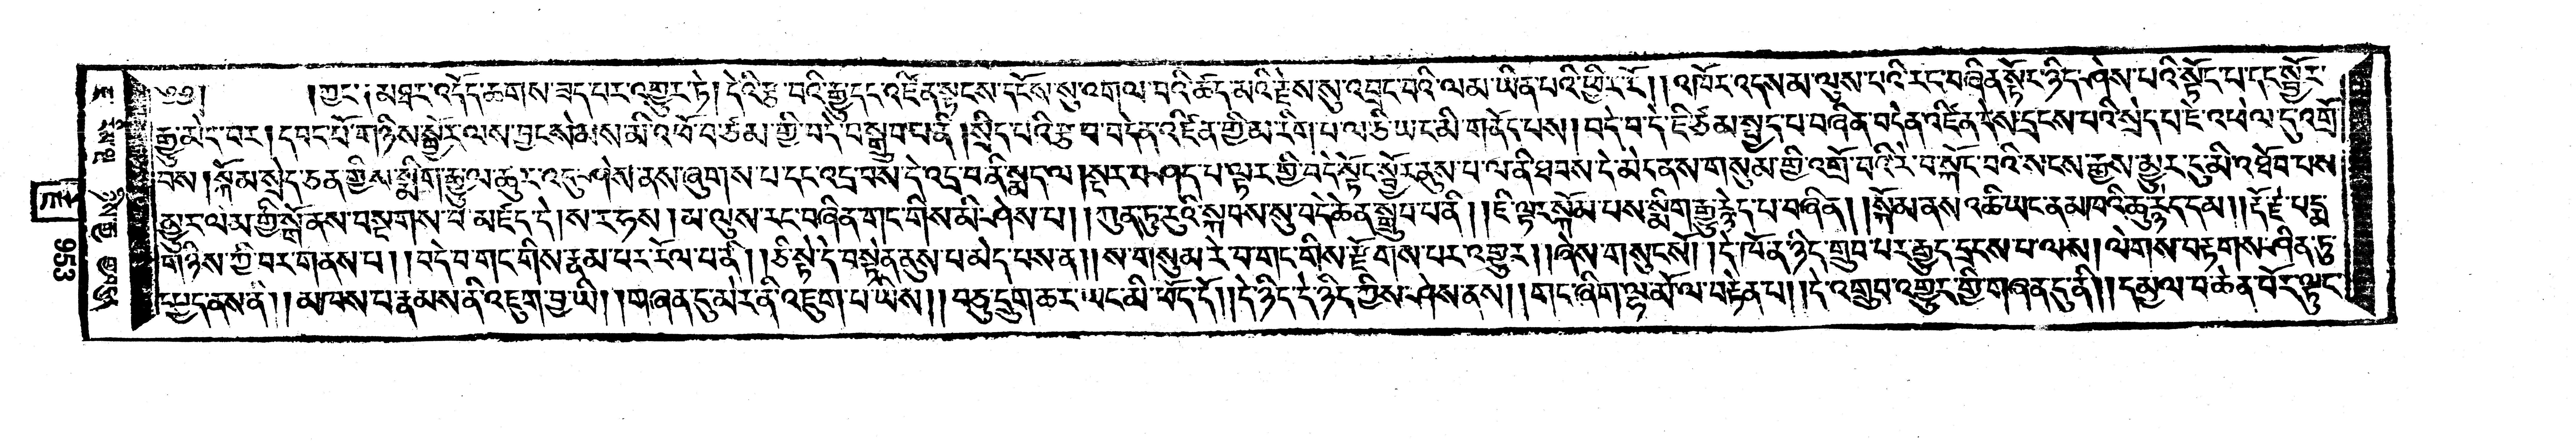༄༅། །ཀྱང༑ མཐར་འདོད་ཆགས་ཟད་པར་འགྱུར་ཏེ། དེའི་རྩ་བའི་རྒྱུ་དང་འཛིན་སྟངས་དངོས་སུ་འགལ་བའི་ཚད་མའི་རྗེས་སུ་འབྲང་བའི་ལམ་ཡིན་པའི་ཕྱིར་རོ། །འཁོར་འདས་མ་ལུས་པའི་རང་བཞིན་སྟོང་ཉིད་ཤེས་པའི་སྟོང་པ་དང་སྦྱོར་
རྒྱུ་མེད་པར། དབང་པོ་གཉིས་སྦྱོར་ལས་བྱང་སེམས་མི་འཕོ་བ་ཙམ་གྱི་བདེ་བ་སྒྲུབ་པ་ནི། སྲིད་པའི་རྩ་བ་བདེན་འཛིན་གྱི་མ་རིག་པ་ལ་ཅི་ཡང་མི་གནོད་པས། བདེ་བ་དེ་ཇི་ཙམ་སྤྱད་པ་བཞིན་བདེན་འཛིན་དེས་དྲངས་པའི་སྲེད་པ་ཇེ་འཕེལ་དུ་འགྲོ་
བས། སྐོམ་སྲེད་ཅན་གྱིས་སྨིག་རྒྱུ་ལ་ཆུར་འདུ་ཤེས་ནས་ཞུགས་པ་དང་འདྲ་བས་དེ་འདྲ་བ་ནི་སྨད་ལ། སྔར་བཤད་པ་ལྟར་གྱི་བདེ་སྟོང་སྦྱོར་ནུས་པ་ལ་ནི་ཐབས་དེ་མེད་ནས་གསུམ་གྱི་འགྲོ་བའི་རེ་བ་སྐོང་བའི་སངས་རྒྱས་མྱུར་དུ་མི་འཐོབ་པས་
མྱུར་ལམ་གྱི་སྒོ་ནས་བསྔགས་པ་མཛད་དེ། ས་ར་ཧས། མ་ལུས་རང་བཞིན་གང་གིས་མི་ཤེས་པ། །ཀུན་ཏུ་རུའི་སྐབས་སུ་བདེ་ཆེན་སྒྲུབ་པ་ནི། །ཇི་ལྟར་སྐོམ་པས་སྨིག་རྒྱུ་རྙེད་པ་བཞིན། །སྐོམ་ནས་འཆི་ཡང་ནམ་མཁའི་ཆུ་རྙེད་དམ། །རྡོ་རྗེ་པདམ་
གཉིས་ཀྱི་བར་གནས་པ། །བདེ་བ་གང་གིས་རྣམ་པར་རོལ་པ་ནི། །ཅི་སྟེ་དེ་བསྟེན་ནུས་པ་མེད་པས་ན། །ས་གསུམ་རེ་བ་གང་གིས་རྫོགས་པར་འགྱུར། །ཞེས་གསུངས་སོ། །དེ་ཁོ་ན་ཉིད་གྲུབ་པར་རྒྱུད་དྲངས་པ་ལས། ལེགས་བརྟགས་ཤིན་ཏུ་
དཔྱད་ནས་ནི། །མཁས་པ་རྣམས་ནི་འཇུག་བྱ་ཡི། །གཞན་དུ་མེར་ནི་འཇུག་པ་ཡིས། །བཅུ་དྲུག་ཆར་ཡང་མི་ཕོད་དོ། །དེ་ཉིད་དེ་ཉིད་ཀྱིས་ཤེས་ནས། །གང་ཞིག་ལྷ་མོ་ལ་བརྟེན་པ། །དེ་འགྲུབ་འགྱུར་གྱི་གཞན་དུ་ནི། །དམྱལ་བ་ཆེན་པོར་ལྟུང་